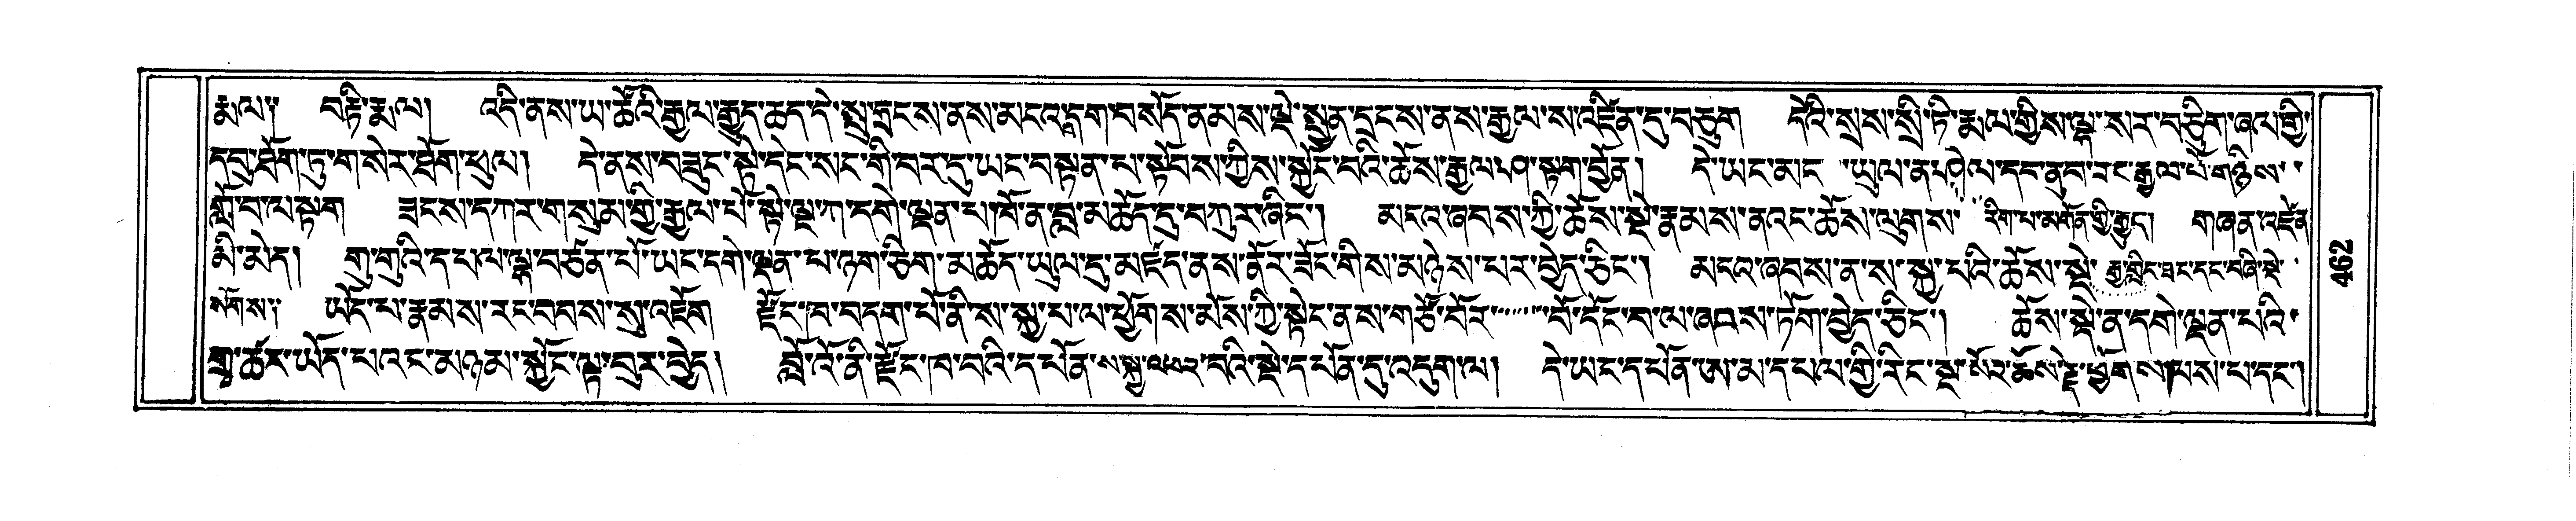རྨལ༑ བརྟི་རྨལ། འདི་ནས་ཡ་ཚོའི་རྒྱལ་རྒྱུད་ཆད་དེ་སྤུ་ཧྲངས་ནས་མངའ་བདག་བསོད་ནམས་ལྡེ་སྤྱན་དྲངས་ནས་རྒྱལ་ས་འཛིན་དུ་བཅུག་དེའི་སྲས་སྲི་ཏི་རྨལ་གྱིས་ལྷ་སར་བཅུཨིག་ཞལ་གྱི་དབུ་ཐོག་ཏུ་གསེར་ཐོག་ཕུལ། དེ་ནས་བཟུང་སྟེ་དེང་སང་གི་བར་དུ་ཡང་བསྟན་པ་སྟོབས་ཀྱིས་སྐྱོང་བའི་ཆོས་རྒྱལ་ཤ་སྟག་བྱོན། དེ་ཡང་མང་ཡུལ་ན་ཤེལ་དང་ནུབ་རང་རྒྱལ་པོ་གཉིས་
གློ་བ་ལ་སྟག་ཟངས་དཀར་གསུམ་གྱི་རྒྱལ་པོ་སྟེ་ལྔ་ཀ་དགེ་ལྡན་པ་ཁོ་ན་བླ་མཆོད་དུ་བཀུར་ཞིང་། མངའ་ཞབས་ཀྱི་ཆོས་སྡེ་རྣམས་ནའང་ཆོས་ལུགས་རིག་པ་མགོན་གྱི་རྒྱུད།  གཞན་འཛེན་
མི་མེད། གུ་གུའི་དཔལ་ལྷ་བཙན་པོ་ཡང་དགེ་ལྡན་པ་ཉག་ཅིག་མཆོད་ཡུལ་དུ་མཛད་ནས་ནོར་ཟོང་གིས་མཉེས་པར་བྱེད་ཅིང་། མངའ་ཞབས་ན་ས་སྐྱ་པའི་ཆོས་སྡེ་རྒྱ་གླིང་ཐང་དང་བཞི་སྡེ་
སོགས༑ ཡོད་པ་རྣམས་རང་བབས་སུ་འཇོག་རྫོང་ཁ་བདག་པོ་ནི་ས་སྐྱ་པ་ལ་ཕྱོགས་མོས་ཀྱི་སྟེང་ནས་གཙོ་བོར་བོ་དོང་བ་ལ་ཞབས་ཏོག་བྱེད་ཅིང་། ཆོས་སྡེ་ན་དགེ་ལྡན་པའི་
གྲྭ་ཚང་ཡོད་པའང་མཉམ་སྐྱོང་ལྟ་བུར་བྱེད། བློ་འོ་ནི་རྫོང་ཁ་བའི་དཔོན་ས་སྐྱ་འཕར་བའི་སྡེ་དཔོན་དུ་འདུག་ལ། དེ་ཡང་དཔོན་ཨ་མ་དཔལ་གྱི་རིང་སྔ་སོར་ཆོས་རྗེ་ཕྱོགས་ལས་པ་དང་།